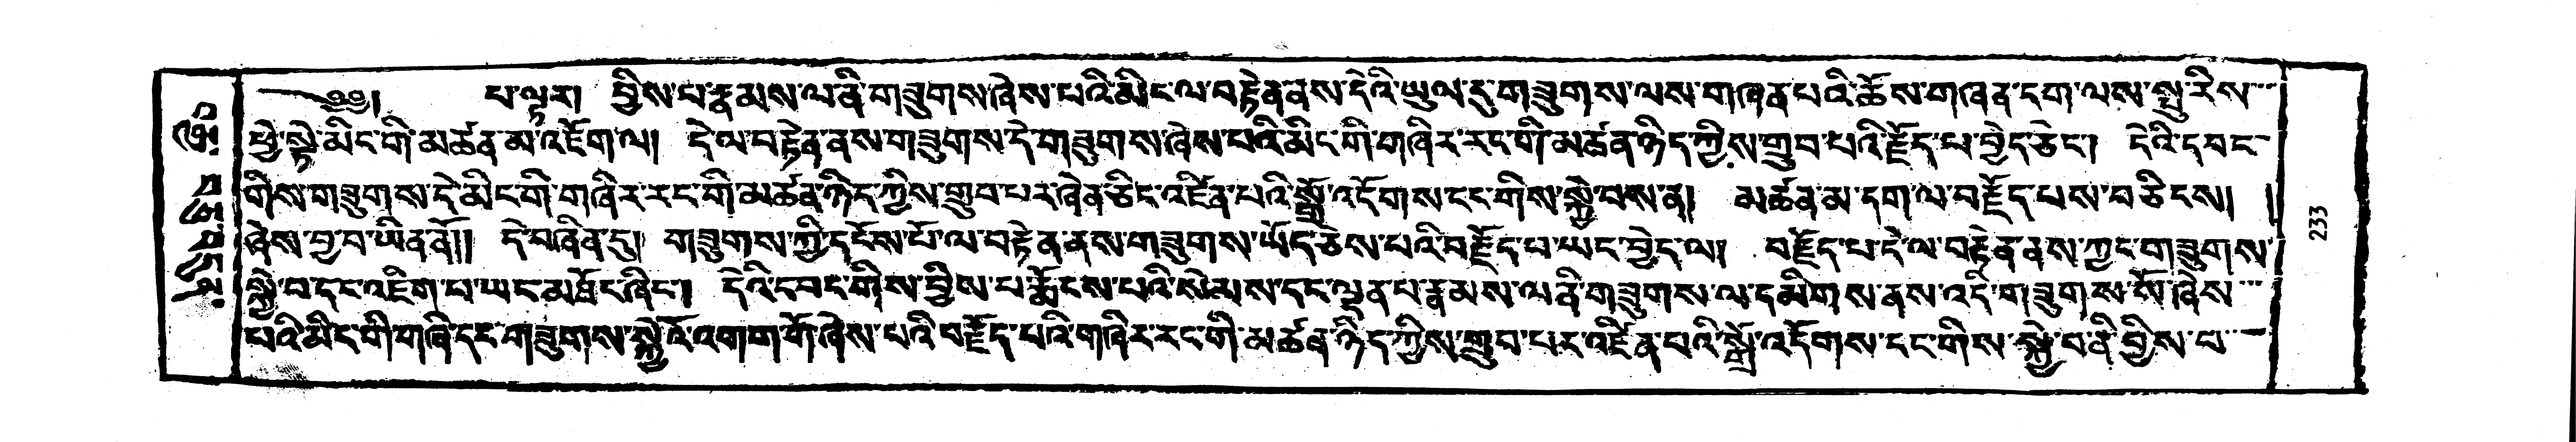༄༅། །པ་ལྟར། བྱིས་པ་རྣམས་ལ་ནི་གཟུགས་ཞེས་པའི་མིང་ལ་བརྟེན་ནས་དེའི་ཡུལ་དུ་གཟུགས་ལས་གཞན་པའི་ཆོས་གཞན་དག་ལས་སྤུ་རིས་
ཕྱེ་སྟེ་མིང་གི་མཚན་མ་འཇོག་ལ། དེ་ལ་བརྟེན་ནས་གཟུགས་དེ་གཟུགས་ཞེས་པའི་མིང་གི་གཞིར་རང་གི་མཚན་ཉིད་ཀྱིས་གྲུབ་པའི་རྗོད་པ་བྱེད་ཅིང་། དེའི་དབང་
གིས་གཟུགས་དེ་མིང་གི་གཞིར་རང་གི་མཚན་ཉིད་ཀྱིས་གྲུབ་པར་ཞེན་ཅིང་འཛིན་པའི་སྒྲོ་འདོགས་ངང་གིས་སྐྱེ་བས་ན། མཚན་མ་དག་ལ་བརྗོད་པས་བཅིངས། །
ཞེས་བྱ་བ་ཡིན་ནོ། དེ་བཞིན་དུ། གཟུགས་ཀྱི་དངོས་པོ་ལ་བརྟེན་ནས་གཟུགས་ཡོད་ཅེས་པའི་བརྗོད་པ་ཡང་བྱེད་ལ། བརྗོད་པ་དེ་ལ་བརྟེན་ནས་ཀྱང་གཟུགས་
སྐྱེ་བ་དང་འཇིག་པ་ཡང་མཐོང་ཞིང་། དེའི་དབང་གིས་བྱིས་པ་རྨོངས་པའི་སེམས་དང་ལྡན་པ་རྣམས་ལ་ནི་གཟུགས་ལ་དམིགས་ནས་འདི་གཟུགས་སོ་ཞེས་
པའི་མིང་གི་གཞི་དང་གཟུགས་སྐྱེ་འོ་འགག་གོ་ཞེས་པའི་བརྗོད་པའི་གཞིར་རང་གི་མཚན་ཉིད་ཀྱིས་གྲུབ་པར་འཛིན་པའི་སྒྲོ་འདོགས་ངང་གིས་སྐྱེ་བ་ནི་བྱིས་པ་